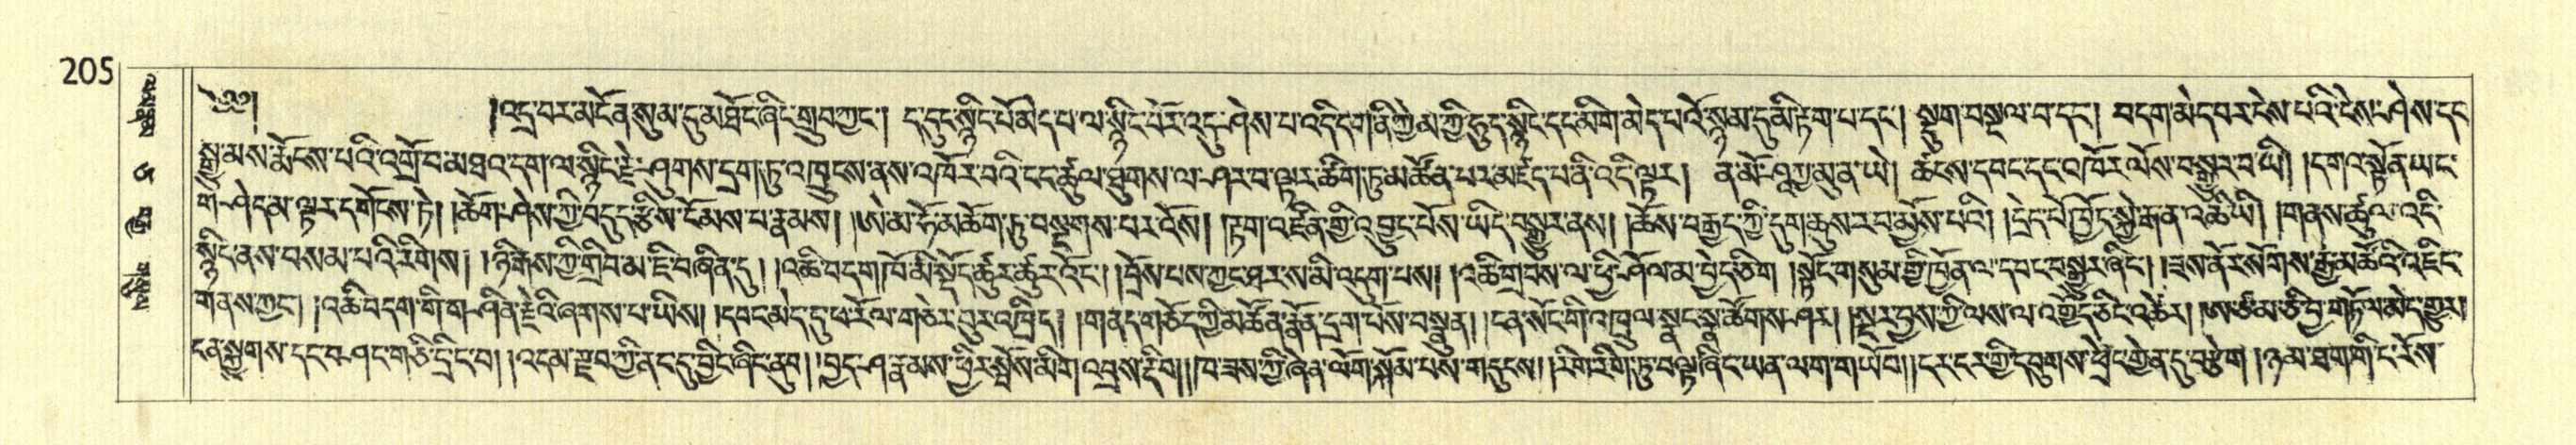༄༅། །འདྲ་བར་མངོན་སུམ་དུ་མཐོང་ཞིང་གྲུབ་ཀྱང་། ད་དུང་སྙིང་པོ་མེད་པ་ལ་སྙིང་པོར་འདུ་ཤེས་པ་འདི་དག་ནི་ཀྱེམ་གྱི་ཧུད་སྙིང་དང་མིག་མེད་པའོ་སྙམ་དུ་མི་རྟག་པ་དང་། སྡུག་བསྔལ་བ་དང་། བདག་མེད་བར་ངེས་པའི་ངེས་ཤེས་དང་
སྒྱུ་མས་རྨོངས་པའི་འགྲོ་བ་མཐའ་དག་ལ་སྙིང་རྗེ་ཤུགས་དྲག་ཏུ་འཁྲུངས་ནས་འཁོར་བའི་ངང་ཚུལ་ཐུགས་ལ་ཤར་བ་ལྟར་ཚིག་ཏུ་མཚོན་པར་མཛད་པ་ནི་འདི་ལྟར། ན་མོ་ཤཱཀྱ་མུ་ན་ཡེ། ཚངས་དབང་དང་འཁོར་ལོས་བསྒྱུར་བ་ཡི། །དགའ་སྟོན་ཡང་
གཤེད་མ་ལྟར་དགོངས་ཏེ། །ཆོག་ཤེས་ཀྱི་བདུད་རྩིས་ངོམས་པ་རྣམས། །ཨེ་མ་ཧོ་མཆོག་ཏུ་བསྔགས་པར་འོས། །རྟག་འཛིན་གྱི་འབྱུང་པོས་ཡིད་བསྒྱུར་ནས། །ཆོས་བརྒྱད་ཀྱི་དུག་ཆུས་རབ་མྱོས་པའི། །དྲེད་པོ་ཁྱོད་སྐྱེ་རྒ་ན་འཆི་ཡི། །གནས་ཚུལ་འདི་
སྙིང་ནས་བསམ་པའི་རིགས། །ཉི་རྒས་ཀྱི་གྲིབ་མ་ཇི་བཞིན་དུ། །འཆི་བདག་ཁོ་མི་སྡོད་ཚུར་ཚུར་འོང་། །བྲོས་པས་ཀྱང་ཐར་ས་མི་འདུག་པས། །འཆི་གྲབས་ལ་ཕྱི་ཤོལ་མ་བྱེད་ཅིག །སྟོང་གསུམ་གྱི་ཁྱོན་ལ་དབང་བསྒྱུར་ཞིང་། །ཟས་ནོར་སོགས་རྒྱ་མཚོའི་འཇིང་
གནས་ཀྱང་། །འཆི་བདག་གི་གཤིན་རྗེའི་ཞགས་པ་ཡིས། །དབང་མེད་དུ་ཕ་རོལ་གཅེར་པུར་འཁྲིད། །གནད་གཅོད་ཀྱི་མཚོན་རྣོན་དྲག་པོས་བསྣུན། །ངན་སོང་གི་འཁྲུལ་སྣང་སྣ་ཚོགས་ཤར། །སྔར་བྱས་ཀྱི་ལས་ལ་འགྱོད་ཅིང་འཚེར། །ཨ་ཙམ་ཅི་བྱ་གཏོལ་མེད་གྱུར།
ངན་སྐྱུགས་དང་བཤད་གཅི་དྲི་ང་བ། །འདམ་རྫབ་ཀྱི་ནང་དུ་བྱིང་ཞིང་ནུབ། །བྱང་ཤ་རྣམས་ཕྱིར་སྦོས་མིག་འབྲས་རྡིབ། །ཁ་ཟས་ཀྱི་ཞེན་ལོག་སྐོམ་པས་གདུངས། །རིག་རིག་ཏུ་བལྟ་ཞིང་ཡན་ལག་གཡོབ། །ངར་ངར་གྱི་དབུགས་ཕྲེང་གྱེན་དུ་བརྩེག །ཉམ་ཐག་གི་ང་རོས་